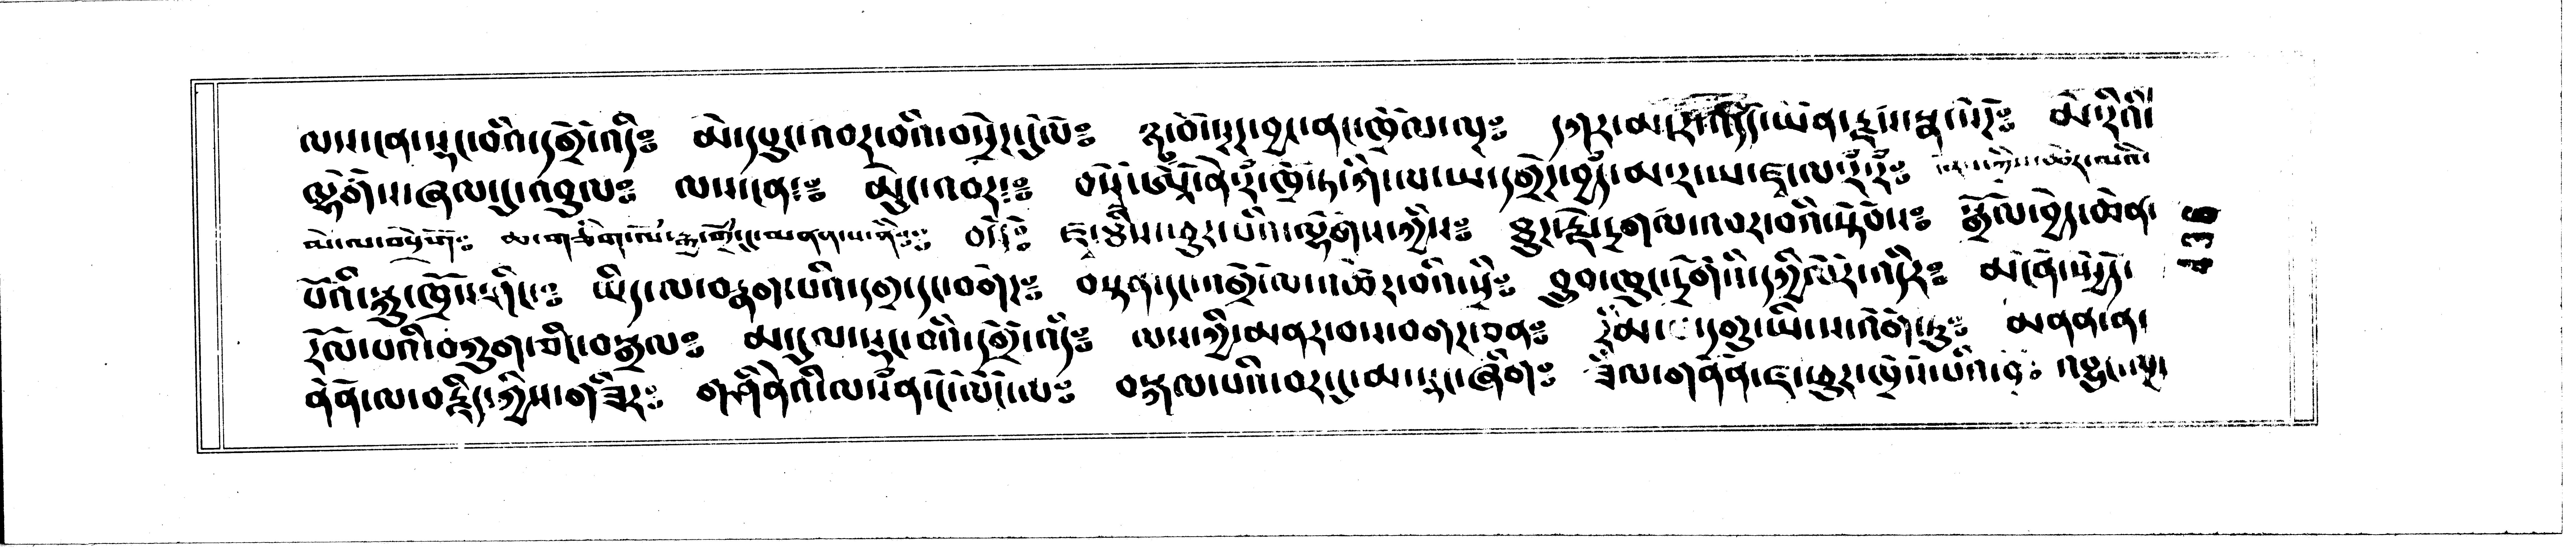ལས་ངན་སྡང་བའི་དགྲ་བོ་འདི༔མེ་དཔུང་འབར་བས་བསྲེགས་དུ་གསོལ༔ཉ་བོ་སྔགས་བྱང་ནང་ཁྲོལ་ལྔ༔དཀར་མངར་འདོད་ཡོན་རྫས་སྣ་སོགས༔མེ་རིའི་
ལྷ་ཚོགས་ཞལ་དུ་འབུལ༔ ལས་ངན་སྡང་བའི་དགྲ་བོ་འདི༔མེ་དཔུང་འབར་བའི་བསྲེགས་དུ་གསོལ༔ བསྭོ་ཨཱོཾ་ནེ་རཾ་ཁྲོ་ཏ་ཀི་ལ་ཡ་དགྲ་བགེགས་བྱད་མ་མ་ར་ཡ་ཛྭ་ལ་རཾ་རཾ༔ཞེས་ཀྱིས་ཚེར་མའི་མེ་ལ་བསྲེག་གོ༔
ཆ་གཅིག་ལོ་རྒྱ་གྲམ་དུ་མནན་པ་ནི༔༔བསྭོ༔ཛྭ་ཐིས་ཕུར་པའི་ལྷ་ཚོགས་ཀྱིས༔ཐུགས་རྗེ་དྲག་རྩལ་འབར་བའི་སྟོབས༔སྒྲོལ་བྱེད་ཆེན་
པོའི་སྐུ་ཁྲོས་ཤིང་༔ཡིད་ལ་བརྣག་པའི་དགྲ་དང་བགེགས༔བསྟན་དང་འགྲོ་ལ་འཚེ་བའི་སྲི༔བྲུབ་ཁུང་དྲག་པོའི་དཀྱིལ་འཁོར་འདིར༔མངོན་སྤྱོད་
རོལ་པའི་བཀུག་ཅིང་བསྒྲལ༔མ་དུལ་སྡང་བའི་དགྲ་བོ་འདི༔ལས་ཀྱི་མནར་བས་བག་ཆགས་ཅན༔རིམ་པ་དགུ་ཡི་ས་འོག་ཏུ༔ མནན་ན་
ནོན་ལ་བརྗིད་ཀྱིས་གཟིར༔གཤིན་རྗེའི་ལས་མཁན་ངོ་ལོང་ལ༔བསྐལ་པའི་བར་དུ་མ་སྡང་ཞིག༔ཟིལ་གནོན་ཛྭ་ཕུར་ཁྲོས་པའི་བྲོ༔ འབྱུང་ལྔ་